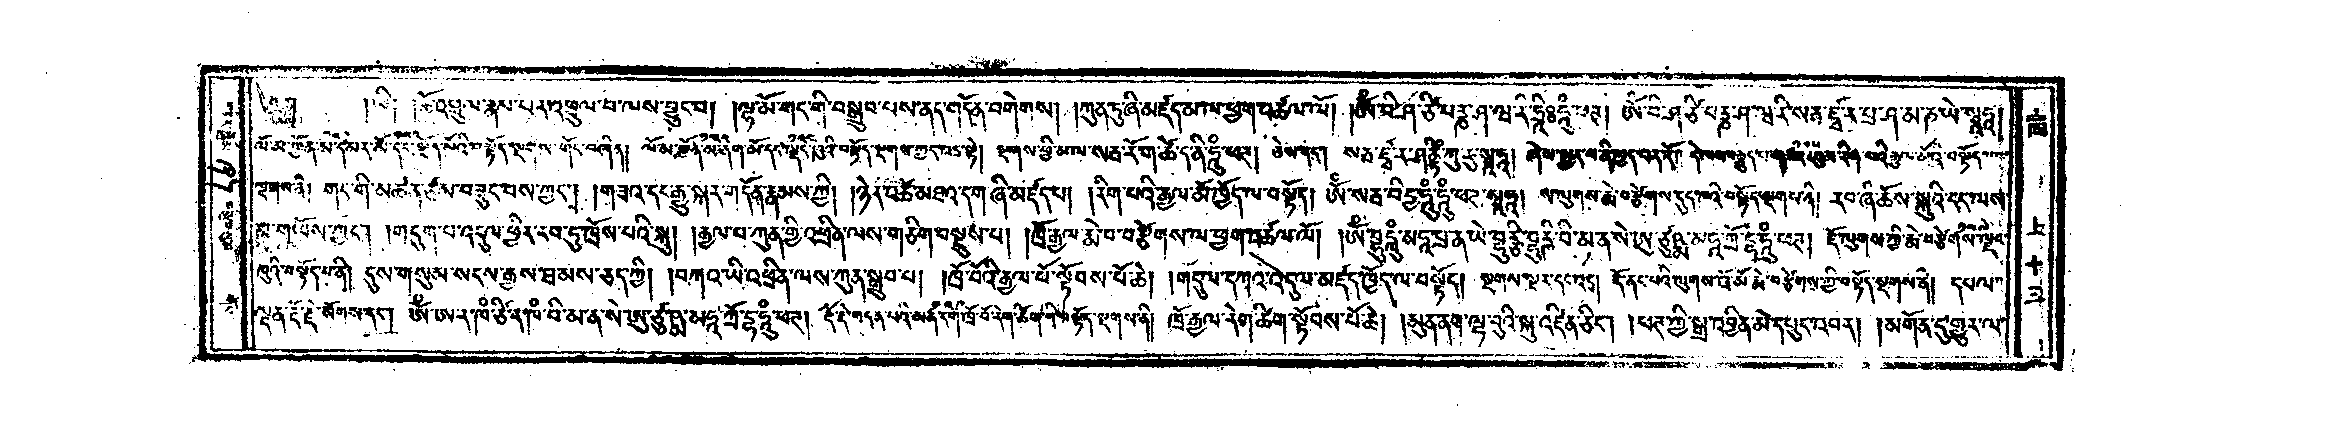༄༅། །ཡི༑ ༑ཆོ་འཕྲུལ་རྣམ་པར་འཕྲུལ་བ་ལས་བྱུང་བ། །ལྷ་མོ་གང་གི་བསྒྲུབ་པས་ནད་གདོན་བགེགས། །ཀུན་ཏུ་ཞི་མཛད་མ་ལ་ཕྱག་འཚལ་ལོ། །ཨོཾ་བི་ཤ་ཙི་པརྞ་ཤ་ཝ་རི་ཧྲཱིཿཧཱུཾ་ཕཊ། ཨོཾ་བི་ཤ་ཙི་པརྞ་ཤ་ཝ་རི་སརྦ་ཛྭ་ར་པྲ་ཤ་མ་ཎ་ཡེ་སྭཱཧཱ།
ལོ་མ་གྱོན་མ ༡༣༡་དམར་མོ་དང་༡༣༢་སྔོན་མོའི་བསྟོད་སྔགས་གོང་བཞིན། ལོ་མ་གྱོན་མ་༡༣༣་ནག་མོ་དང་ལྗང་༡༣༤་ཁུའི་བསྟོད་སྔགས་ཀྱང་འདྲ་སྟེ། སྔགས་ཀྱི་མ?་སརྦ་རོ་ག་ཚེ་ད་ནི་ཧཱུཾ་ཕཊ། ཅེས་དང་།  སརྦ་ཛྭ་ར་ཤནྟིཾ་ཀུ་རུ་སྭཱཧཱ། ཞེས་སྦྱར་བ་ནི་ཁྱད་པར་རོ།། དེ་ལས་བརྒྱུད་པ་གཟའ ༡༣༥་ཡུམ་རིག་པའི་རྒྱལ་མོའི་བསྟོད་
སྔགས་ནི། གང་གི་མཚན་ཙམ་བཟུང་བས་ཀྱང་། །གཟའ་དང་རྒྱུ་སྐར་གདོན་རྣམས་ཀྱི། །ཉེར་འཚེ་མཐའ་དག་ཞི་མཛད་པ། །རིག་པའི་རྒྱལ་མོ་ཁྱོད་ལ་བསྟོད། ཨོཾ་སརྦ་བིདྱ་ཧཱུཾ་ཧཱུཾ་ཕཊ་སྭཱཧཱ། ས་ལུགས་རྨེ་བརྩེགས་དུད་ཁའི་བསྟོད་སྔགས་ནི།  རབ་ཞི་ཆོས་སྐུའི་ངང་ལས་
མ་གཡོས་ཀྱང་། །གདུག་པ་འདུལ་ཕྱིར་རབ་ཏུ་ཁྲོས་པའི་སྐུ། །རྒྱལ་བ་ཀུན་གྱི་འཕྲིན་ལས་གཅིག་བསྡུས་པ། །ཁྲོ་རྒྱལ་རྨེ་བ་བརྩེགས་ལ་ཕྱག་འཚལ་ལོ། །ཨོཾ་བྷུངྑུཾ་མཧཱ་པྲ་ན་ཡེ་བྷུརྩི་བྷུརྑི་བི་མ་ན་སེ་ཨུ་ཙུཥྨ་མཧཱ་ཀྲོ་དྷ་ཧཱུཾ་ཕཊ། ཇོ་ལུགས་ཀྱི་རྨེ་བརྩེགས་ལྗང ༧?
ཁུའི་བསྟོད་པ་ནི། དུས་གསུམ་སངས་རྒྱས་ཐམས་ཅད་ཀྱི། །བཀའ་ཡི་འཕྲིན་ལས་ཀུན་སྒྲུབ་པ། །ཁྲོ་བོའི་རྒྱལ་པོ་སྟོབས་པོ་ཆེ། །གདུལ་དཀའ་འདུལ་མཛད་ཁྱོད་ལ་བསྟོད། སྔགས་སྔར་དང་འདྲ། ཇོ་ནང་པའི་ལུགས་ཁྲོ་མོ་རྨེ་བརྩེགས་ཀྱི་བསྟོད་སྔགས་ན།  དཔལ་
ལྡན་རྡོ་རྗེ་སོགས་དང་།  ཨོཾ་ཨ་ར་ཁཾ་ཙི་ར་ཁཾ་བི་མ་ན་སེ་ཨུ་ཙུ་ཥྨ་མཧཱ་ཁྲོ་དྷ་ཧཱུཾ་ཕཊ། རྡོ་རྗེ་གདན་པའི་མན་ངག ༡༣༩་ཁྲོ་བོ་རེག་ཚིག་གི་བསྟོད་སྔགས་ནི། ཁྲོ་རྒྱལ་རེག་ཚིག་སྟོབས་པོ་ཆེ། །མུན་ནག་ལྷ་བུའི་སྐུ་འཛིན་ཅིང་། །ཕཊ་ཀྱི་སྒྲ་འབྱིན་མེ་དཔུང་འབར། །མགོན་དུ་གྱུར་ལ་